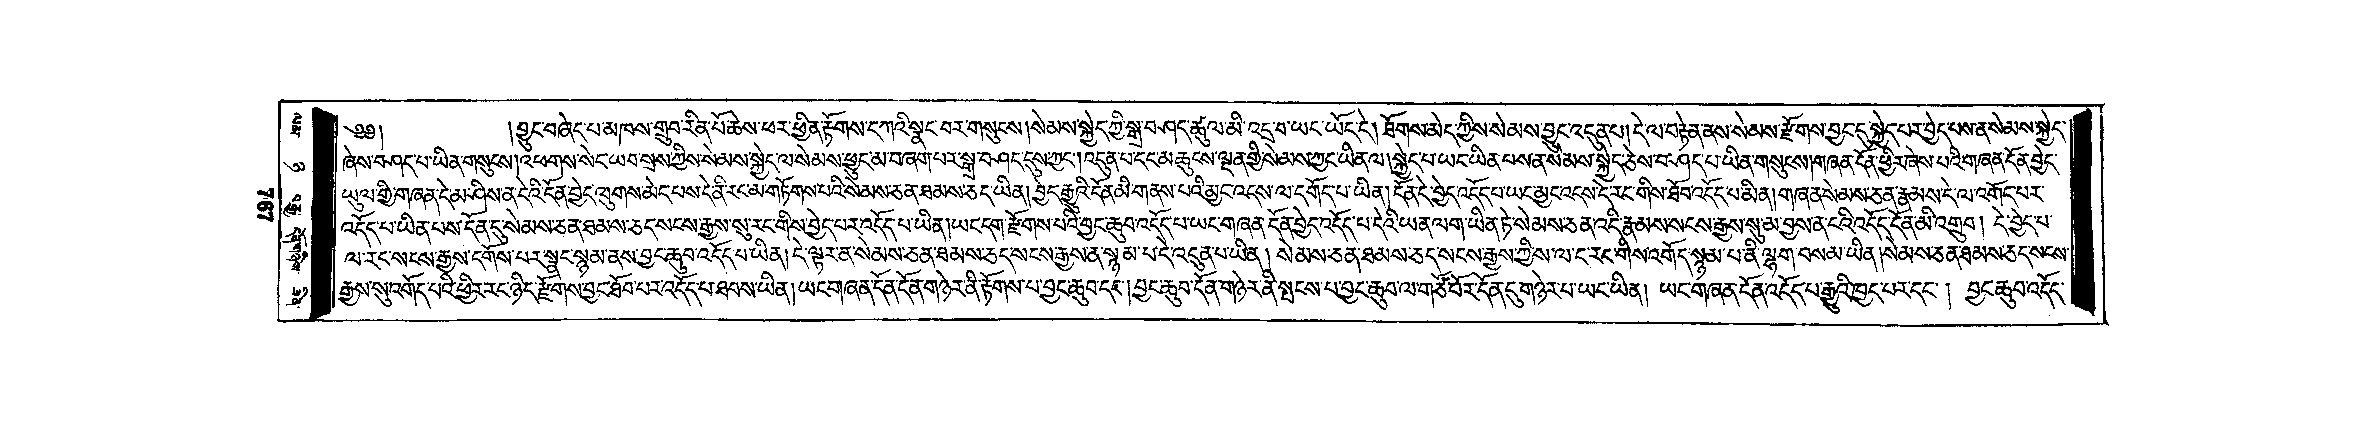༄༅། །བྱུང་བཞེད་པ་མཁས་གྲུབ་རིན་པོ་ཆེས་ཕར་ཕྱིན་རྟོགས་དཀའི་སྣང་བར་གསུངས། སེམས་སྐྱེད་ཀྱི་སྒྲ་བཤད་ཚུལ་མི་འདྲ་བ་ཡང་ཡོད་དེ། ཐོགས་མེད་ཀྱིས་སེམས་བྱུང་འདུན་པ། དེ་ལ་བརྟེན་ནས་སེམས་རྫོགས་བྱང་དུ་སྐྱེད་པར་བྱེད་པས་ན་སེམས་སྐྱེད་
ཞེས་བཤད་པ་ཡིན་གསུངས། འཕགས་སེང་ཡབ་སྲས་ཀྱིས་སེམས་སྐྱེད་ལ་སེམས་ཕྱུང་མ་བཞག་པར་སྒྲ་བཤད་དུས་ཀྱང་། འདུན་པ་དང་མཚུངས་ལྡན་གྱི་སེམས་ཀྱང་ཡིན་ལ། སྐྱེད་པ་ཡང་ཡིན་པས་ན་སེམས་སྐྱེད་ཅེས་བཤད་པ་ཡིན་གསུངས། གཞན་དོན་ཕྱིར་ཞེས་པའི་གཞན་དོན་བྱེད་
ཡུལ་གྱི་གཞན་དེ་མ་ཤིས་ན་དེའི་དོན་བྱེད་ལུགས་མེད་པས་དེ་ནི་རང་མ་གཏོགས་པའི་སེམས་ཅན་ཐམས་ཅད་ཡིན། བྱེད་རྒྱུའི་དོན་མི་གནས་པའི་མྱང་འདས་ལ་དགོད་པ་ཡིན། དོན་དེ་བྱེད་འདོད་པ་ཡང་མྱང་འདས་དེ་རང་གིས་ཐོབ་འདོད་པ་མིན། གཞན་སེམས་ཅན་རྣམས་དེ་ལ་འགོད་པར་
འདོད་པ་ཡིན་པས་དོན་དུ་སེམས་ཅན་ཐམས་ཅད་སངས་རྒྱས་སུ་རང་གིས་བྱེད་པར་འདོད་པ་ཡིན། ཡང་དག་རྫོགས་པའི་བྱང་ཆུབ་འདོད་པ་ཡང་གཞན་དོན་བྱེད་འདོད་པ་དེའི་ཡན་ལག་ཡིན་ཏེ་སེམས་ཅན་འདི་རྣམས་སངས་རྒྱས་སུ་མ་བྱས་ན་ངའི་འདོད་དོན་མི་འགྲུབ། དེ་བྱེད་པ་
ལ་རང་སངས་རྒྱས་དགོས་པར་སྣང་སྙམ་ནས་བྱང་ཆུབ་འདོད་པ་ཡིན། དེ་ལྟར་ན་སེམས་ཅན་ཐམས་ཅད་སངས་རྒྱས་ན་སྙམ་པ་དེ་འདུན་པ་ཡིན། སེམས་ཅན་ཐམས་ཅད་སངས་རྒྱས་ཀྱི་ས་ལ་ང་རང་གིས་འགོད་སྙམ་པ་ནི་ལྷག་བསམ་ཡིན། སེམས་ཅན་ཐམས་ཅད་སངས་
རྒྱས་སུ་འགོད་པའི་ཕྱིར་རང་ཉིད་རྫོགས་བྱང་ཐོབ་པར་འདོད་པ་ཐབས་ཡིན། ཡང་གཞན་དོན་དོན་གཉེར་ནི་རྟོགས་པ་བྱང་ཆུབ་དང་། བྱང་ཆུབ་དོན་གཉེར་ནི་སྤངས་པ་བྱང་ཆུབ་ལ་གཙོ་བོར་དོན་དུ་གཉེར་པ་ཡང་ཡིན། ཡང་གཞན་དོན་འདོད་པ་རྒྱུའི་ཁྱད་པར་དང་། བྱང་ཆུབ་འདོད་